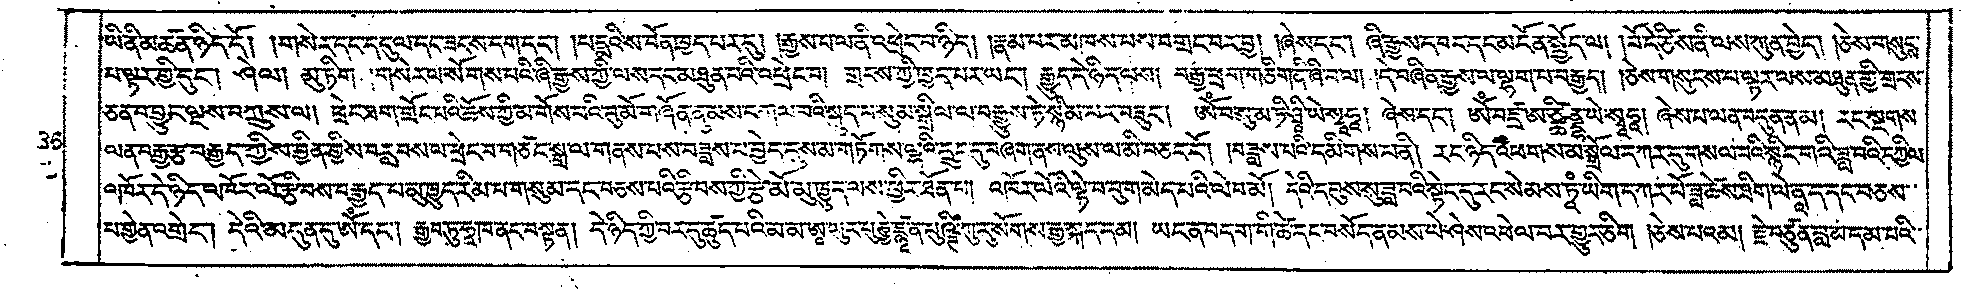ཡི་ནི་མཚན་ཉིད་དོ། །གསེར་དང་དངུལ་དང་ཟངས་དག་དང་། །པདམའི་ས་བོན་ཁྱད་པར་དུ། །རྒྱས་པ་ལ་ནི་འཕྲེང་བ་ཉིད། །རྣམ་པར་མཁས་པས་བགྲང་བར་བྱ། །ཞེས་དང་། ཞི་རྒྱས་དབང་དང་མངོན་སྤྱོད་ལ། །བོ་དེ་ཙིས་ནི་ལས་ཀུན་བྱེད། །ཅེས་གསུངས་
པ་ལྟར་གྱི་དུང་། ཤེལ། མུ་ཏིག །གསེར་ལ་སོགས་པའི་ཞི་རྒྱས་ཀྱི་ལས་དང་མཐུན་པའི་འཕྲེང་བ། གྲངས་ཀྱི་ཁྱད་པར་ཡང་། རྒྱུད་དེ་ཉིད་ལས། བརྒྱ་ཕྲག་གཅིག་ནི་ཞི་བ་ལ། །དེ་བཞིན་རྒྱས་ལ་ལྷག་པ་བརྒྱད། །ཅེས་གསུངས་པ་ལྟར་ལས་མཐུན་གྱི་གྲངས་
ཅན་བ་བྱུང་ལྔས་བཀྲུས་ལ། ཕྲེང་ཐག་གྲོང་པའི་ཆོས་ཀྱི་མ་གོས་པའི་བུ་མོ་གཞོན་ནུ་མས་བཀལ་བའི་སྐུད་པ་སུམ་སྒྲིལ་ལ་བརྒྱུས་ཏེ་སྙིམ་པར་བཟུང་། ཨོཾ་བ་སུ་མ་ཏི་ཤྲཱི་ཡེ་སྭཱཧཱ། ཞེས་དང་། ཨོཾ་བཛྲ་ཨ་ཙྪིནྡྷ་ཡེ་སྭཱཧཱ། ཞེས་པ་ལན་བདུན་ནམ། རང་སྔགས་
ལན་བརྒྱ་རྩ་བརྒྱད་ཀྱིས་བྱིན་གྱིས་བརླབས་ལ་ཕྲེང་བ་གཙང་སྒྲ་ལ་གནས་པས་བཟླས་པ་བྱེད་དུས་མ་གཏོགས་ལྷའི་དྲུང་དུ་བཞག་ནས་ལུས་ལ་མི་བཅང་ངོ། །བཟླས་པའི་དམིགས་པ་ནི། རང་ཉིད་འཕགས་མ་སྒྲོལ་དཀར་དུ་གསལ་བའི་སྙིང་གའི་ཟླ་བའི་དཀྱིལ་
འཁོར་དེ་ཉིད་འཁོར་ལོ་རྩིབས་བརྒྱད་པ་མུ་ཁྱུད་རིམ་པ་གསུམ་དང་བཅས་པའི་རྩིབས་ཀྱི་རྩེ་མོ་མུ་ཁྱུད་ལས་ཕྱིར་ཐོན་པ། འཁོར་ལོའི་ལྟེ་བ་བུ་ག་མེད་པའི་ལེབ་མོ། དེའི་དབུས་སུ་ཟླ་བའི་སྟེང་དུ་རང་སེམས་ཏཱཾ་ཡིག་དཀར་པོ་ཟླ་ཚེས་ཐིག་ལེ་ནཱ་ད་དང་བཅས་་་
པ་གྱེན་འགྲེང་། དེའི་མདུན་དུ་ཨོཾ་དང་། རྒྱབ་ཏུ་ཧཱ་ཁ་ནང་བསྟན། དེ་ཉིད་ཀྱི་བར་དུ་ཚུད་པའི་མ་མ་ཨཱ་ཡུར་པུཎྱེ་ཛྙཱ་ན་པུཥྜིཾ་ཀུ་རུ་སོགས་རྒྱ་སྐད་དམ། ཡང་ན་བདག་གི་ཚེ་དང་བསོད་ནམས་ཡེ་ཤེས་འཕེལ་བར་གྱུར་ཅིག །ཅེས་པའམ། རྗེ་བཙུན་བླ་མ་དམ་པའི་་་